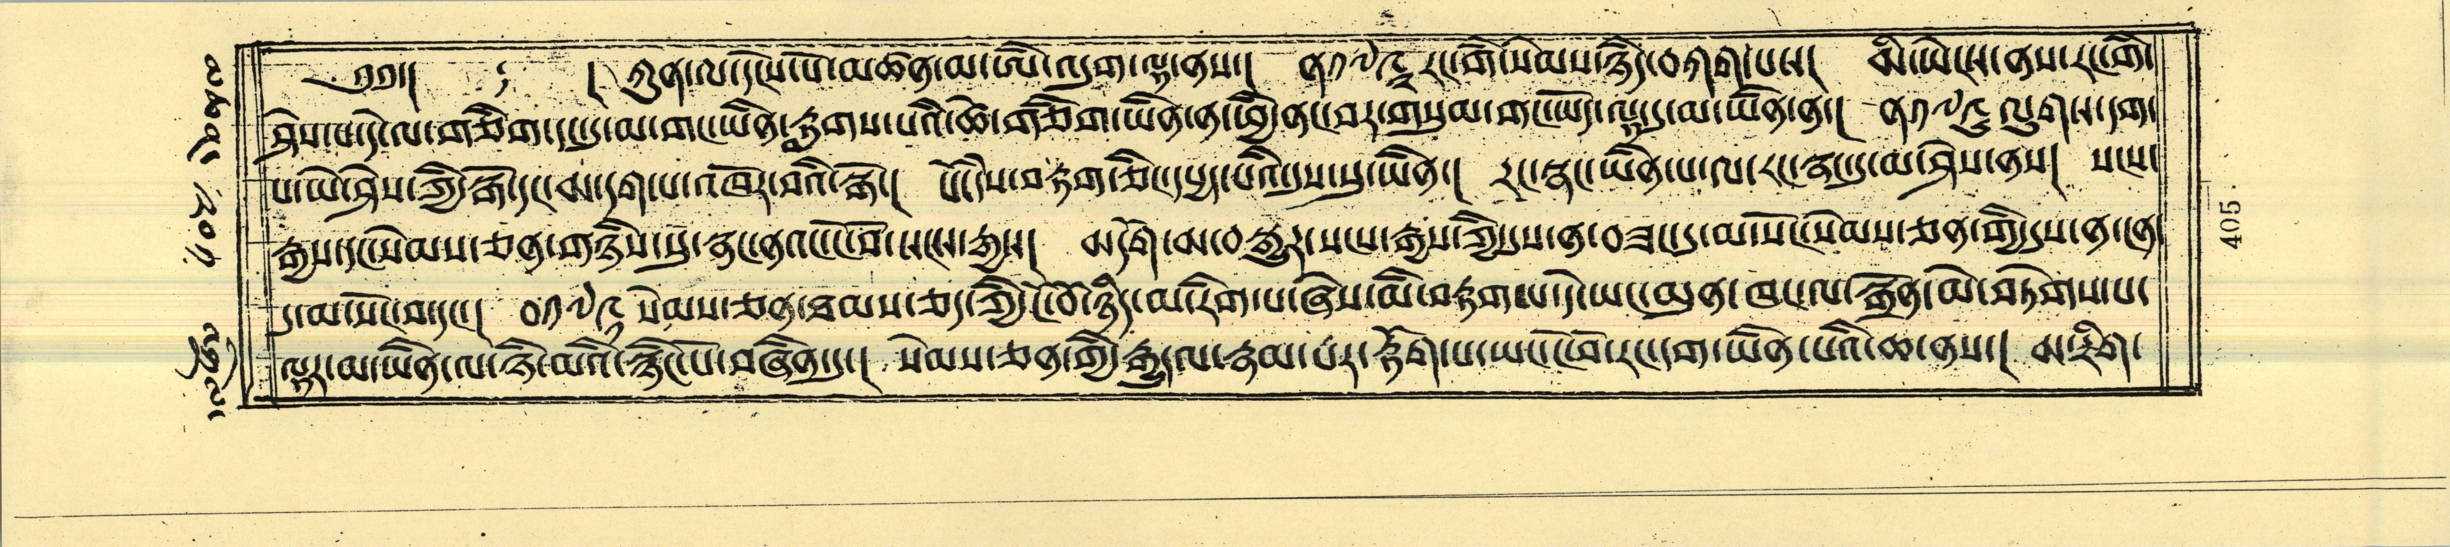ཀུན་ལ་དངོས་པོ་མཚན་མ་ཨེ་འདུག་བལྟ་ནས་ན༡༧༩།༢ རང་གི་སེམས་ཉིད་༼བཀག་པས༽༼མི་ཡེངས་ནས༽རང་གི་
ཤེས་པ་དེ་ལ་གཅིག་དང་དུ་མ་གང་ཡིན་བརྟགས་པའི་ཚེ་གཅིག་ཡིན་ན་ཕྱི་ནང་བར་གསུམ་གང་ཡོད་ལྟར་དུ་མ་ཡིན་ན། ན༡༧༩།༦༼ལུགས༽དག་
པ་ཡེ་ཤེས་ཀྱི་སྒོ་དང་༼མ་དག་པ༽འཁོར་བའི་སྒོ་༼པོ༽དེས་བརྟག་ཅིང་དཔྱད་པའི་དུས་སུ་ཡིན། རང་སྣང་ཡིན་པ་ལ་རང་སྣང་དུ་མ་ཤེས་ནས་སངས་
རྒྱས་དང་སེམས་ཅན་གཉིས་སུ་སྣང་ནའང་ངོ་བོ་༼སངས་རྒྱས༽༼མདོག་མ་བསྒྱུར༽སངས་རྒྱས་ཀྱི་དུས་ན་བཟང་དུ་མ་སོང་སེམས་ཅན་གྱི་དུས་ན་ངན་
དུ་མ་སོང་བ་དང་བ༡༧༩།༡སེམས་ཅན་ཐམས་ཅད་ཀྱི་ངོ་བོ་ཉིད་མ་རིག་པ་ཞེས་མི་བརྟགས་པ་དེ་ཡང་མུན་ཁང་ལ་སྒྲོན་མེ་བཏེགས་པ་
ལྟར་མ་ཡིན་ལ་ཉི་མའི་སྙིང་པོ་བཞིན་དུ་སེམས་ཅན་གྱི་རྒྱུད་ལ་རྣམ་པར་རྟོག་པ་ཡང་ངོ་བོ་རང་དག་ཡིན་པའི་ཆ་ནས་༼མ་རིག༽